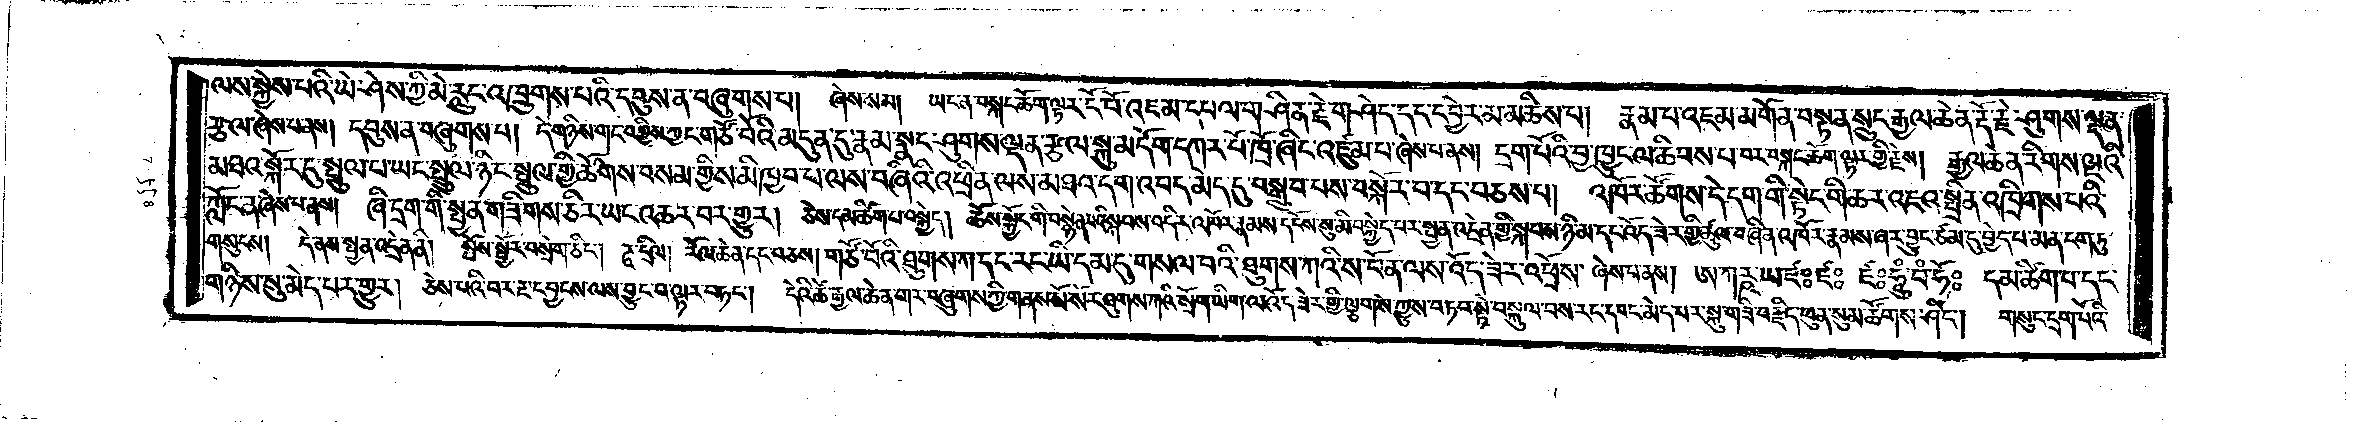ལས་སྐྱེས་པའི་ཡེ་ཤེས་ཀྱི་མེ་རླུང་འཁྲུགས་པའི་དབུས་ན་བཞུགས་པ། ཞེས་སམ། ཡང་ན་བསྐང་ཆོག་ལྟར་ངོ་བོ་འཇམ་དཔལ་གཤིན་རྗེ་གཤེད་དང་དབྱེར་མ་མཆིས་པ། རྣམ་པ་འཇམ་མགོན་བསྟན་སྲུང་རྒྱལ་ཆེན་རྡོ་རྗེ་ཤུགས་ལྡན་
རྩལ་ཞེས་པ་ནས། དབུས་ན་བཞུགས་པ། དེ་གཉིས་གང་བགྱིས་ཀྱང་གཙོ་བོའི་མདུན་དུ་རྣམ་སྣང་ཤུགས་ལྡན་རྩལ་སྐུ་མདོག་དཀར་པོ་ཁྲོ་ཞིང་འཛུམ་པ་ཞེས་པ་ནས། དྲག་པོའི་བྱ་ཁྱུང་ལ་ཆིབས་པ་བར་བསྐང་ཆོག་ལྟར་གྱི་རྗེས། རྒྱལ་ཆེན་རིགས་ལྔའི་
མཐའ་སྐོར་དུ་སྤྲུལ་པ་ཡང་སྤྲུལ་ཉིད་སྤྲུལ་གྱི་ཚོགས་བསམ་གྱིས་མི་ཁྱབ་པ་ལས་བཞིའི་འཕྲིན་ལས་མཐའ་དག་འབད་མེད་དུ་བསྒྲུབ་པས་བསྐོར་བ་དང་བཅས་པ། འཁོར་ཚོགས་དེ་དག་གི་སྟེང་གི་ཆར་འཇའ་སྤྲིན་འཁྲིགས་པའི་
ཀློང་ན་ཞེས་པ་ནས། ཞི་དྲག་གི་སྤྱན་གཟིགས་ཅིར་ཡང་འཆར་བར་གྱུར། ཅེས་དམ་ཚིག་པ་བསྐྱེད། ཆོས་སྐྱོང་གི་བསྙེན་པའི་སྐབས་འདིར་འཁོར་རྣམས་དངོས་སུ་མི་བསྐྱེད་པར་སྦྱན་འདྲེན་གྱི་སྐབས་ཉི་མ་དང་འོད་ཟེར་གྱི་ཚུལ་བཞིན་འཁོར་རྣམས་ཞར་བྱུང་ཙམ་དུ་བྱེད་པ་མན་ངག་ཏུ་
གསུངས། དེ་ནས་སྦྱན་འདྲེན་ནི། སྦོས་སྦྱོར་བསྲེག་ཅིང་། ཌཱ་དྲིལ། རོལ་ཆེན་དང་བཅས། །གཙོ་བོའི་ཐུགས་ཀ་དང་རང་ཡི་དམ་དུ་གསལ་བའི་ཐུགས་ཀའི་ས་བོན་ལས་འོད་ཟེར་འཕྲོས་ཞེས་པ་ནས། ཨ་ཀརྵ་ཡ་ཛཿ ཛཿ ཛཿ ཧཱུཾ་བོ་ཧོཿ དམ་ཚིག་པ་དང་
གཉིས་སུ་མེད་པར་གྱུར། ཅེས་པའི་བར་རྔ་དབྱངས་ལས་བྱུང་བ་ལྟར་བཏང་། དེའི་ཚེ་རྒྱལ་ཆེན་གར་བཞུགས་ཀྱི་གནས་སོ་སོར་ཐུགས་ཀའི་སྲོག་ཡིག་ལ་འོད་ཟེར་གྱི་ལྕགས་ཀྱུས་བཏབ་སྟེ་བསྐུལ་བས་རང་དབང་མེད་པར་སྐུ་གཟི་བརྗིད་ཕུན་སུམ་ཚོགས་ཤིང་། གསུང་དྲག་པོའི་